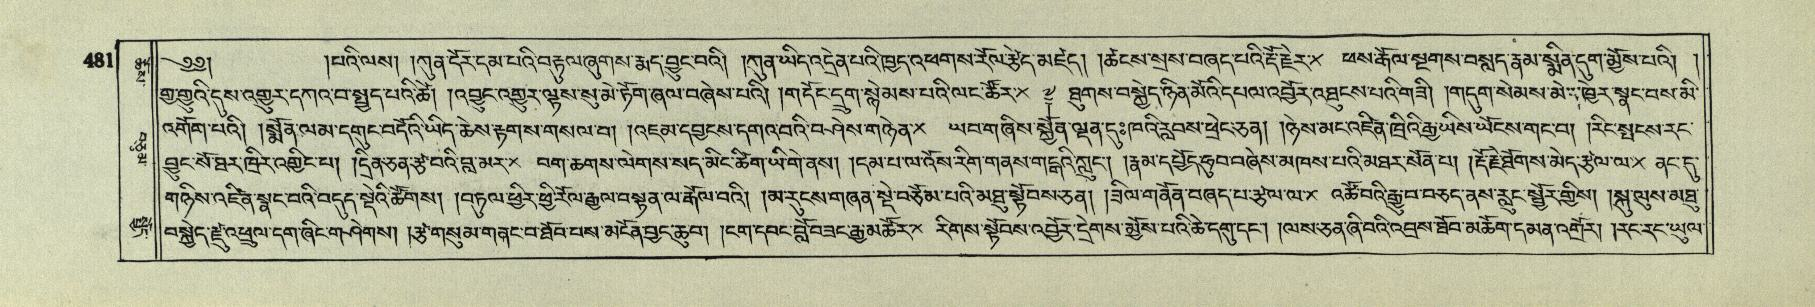༄༅། །པའི་ལས། །ཀུན་དོར་དམ་པའི་བརྟུལ་ཞུགས་རྨད་བྱུང་བའི། །ཀུན་ཡིད་འདྲེན་པའི་ཁྱད་འཕགས་རོལ་རྩེད་མཛད། །ཚངས་སྲས་བཞད་པའི་རྡོ་རྗེར་྾་ཕས་རྒོལ་སྔགས་བསླད་རྣམ་སྨིན་དུག་མྱོས་པའི། །
གྱ་གྱུའི་དུས་འགྱུར་དཀའ་བ་སྤྱད་པའི་ཚེ། །འབྱུང་འགྱུར་ལྟས་སུ་མེ་ཏོག་ཞལ་བཞེས་པའི། །གདོང་དྲུག་སྙེམས་པའི་ལང་ཚོར་྾་འ་ཐུགས་བསྐྱེད་ཉིན་མོའི་དཔལ་འབྱོར་འཐུངས་པའི་གཟི། །གདུག་སེམས་མེད་ཁྱེར་སྣང་བས་མི་
འགོག་པའི། །སྨོན་ལམ་དགུང་བདོའི་ཡིད་ཆེས་རྟགས་གསལ་བ། །འཇམ་དབྱངས་དགའ་བའི་བཤེས་གཉེན་྾་ཡབ་གཞིས་སྐྱོན་ལྡན་དུཿཁའི་རླབས་ཕྲེང་ཅན། །ཉེས་མང་འཛིན་ཁྲིའི་རྒྱ་ཡིས་ཡོངས་གང་བ། །རིང་སྤངས་རང་
བྱུང་སོ་ཐར་ཁྲིར་འགྱིང་པ། །དྲིན་ཅན་རྩ་བའི་བླ་མར་྾་བག་ཆགས་ལེགས་སད་མིང་ཚིག་ཡི་གེ་ནས། །དམ་པ་ལ་འོས་རིག་གནས་གངྒའི་ཀླུང་། །རྣམ་དཔྱོད་ཧུབ་བཞེས་མཁས་པའི་མཐར་སོན་པ། །རྡོ་རྗེ་ཐོགས་མེད་རྩལ་ལ་྾་ནང་དུ་
གཉིས་འཛིན་སྣང་བའི་བདུད་སྡེའི་ཚོགས། །བཏུལ་ཕྱིར་ཕྱི་རོལ་རྒྱལ་བསྟན་ལ་རྒོལ་བའི། །མ་རུངས་གཞན་སྡེ་བཅོམ་པའི་མཐུ་སྟོབས་ཅན། །ཟིལ་གནོན་བཞད་པ་རྩལ་ལ་྾་འཚོ་བའི་རྒྱུ་བ་བཅད་ནས་རླུང་སྦྱོར་གྱིས། །སྐུ་ལུས་མཐུ་
བསྐྱེད་རྫུ་འཕྲུལ་དག་ཞིང་གཤེགས། །རྩ་གསུམ་གནང་བ་ཐོབ་པས་མངོན་བྱང་ཆུབ། །ངག་དབང་བློ་བཟང་རྒྱ་མཚོར་྾་རིགས་སྟོབས་འབྱོར་དྲེགས་མྱོས་པའི་ཆེ་དགུ་དང་། །ལས་ཅན་ཞི་བའི་འབྲས་ཐོབ་མཆོག་དམན་འགྲོར། །རང་རང་ཡུལ་